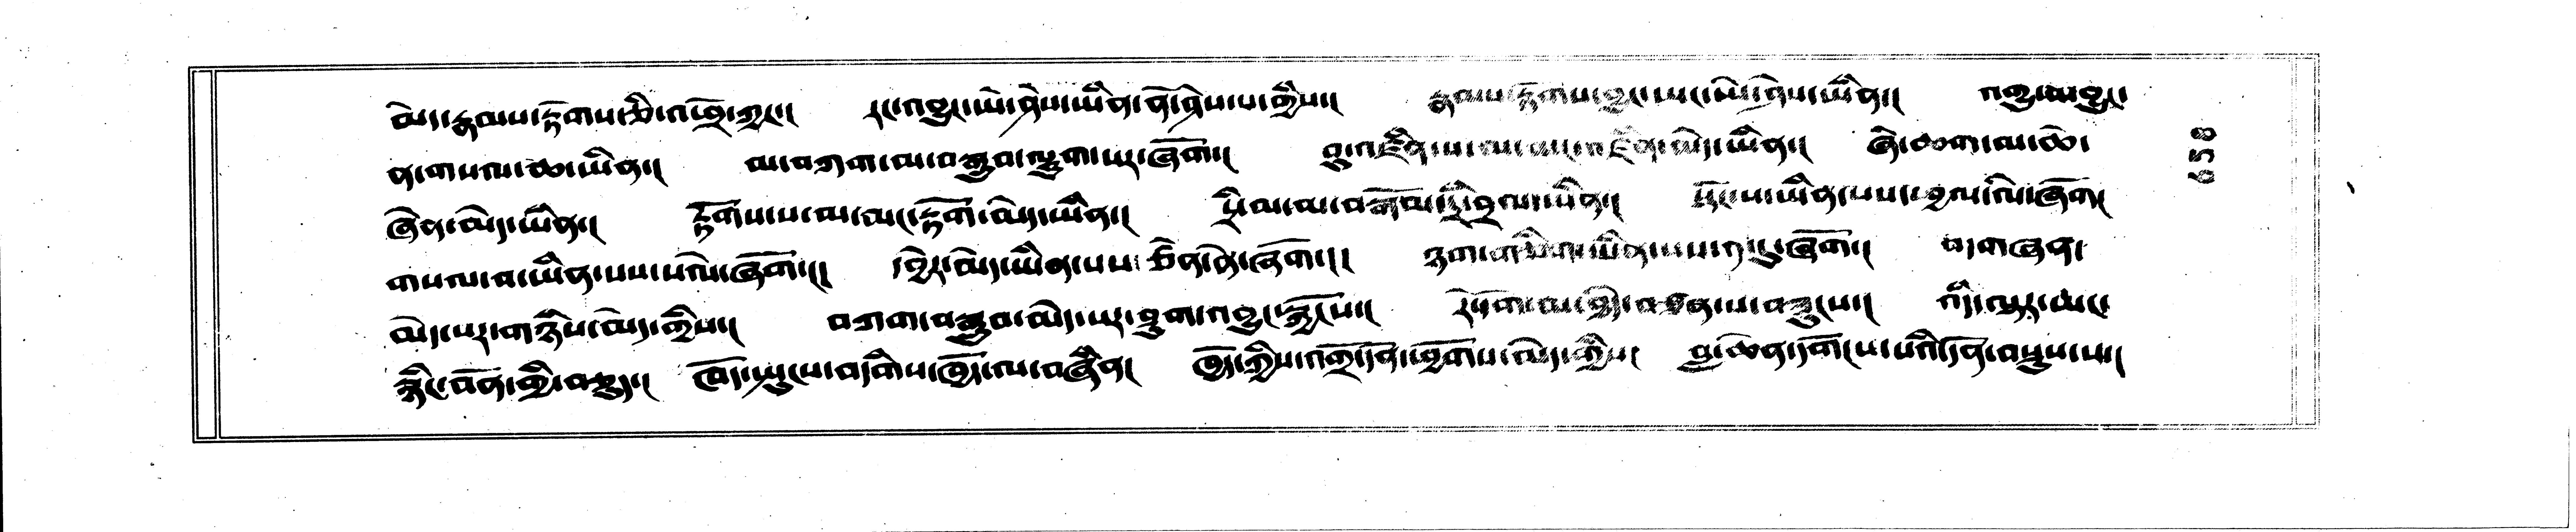མེད་རྣམ་རྟོག་ཅི་འཕྲོས་ཀྱང་། རང་འབྱུང་ཡེ་ཤེས་ཡིན་ནོ་ཤེས་པར་གྱིས། རྣམ་རྟོག་བྱུང་ན་ཡེ་ཤེས་ཡིན། འགྱུ་བ་བྱུང་
ན་གསལ་ཆ་ཡིན། མ་བཀག་མ་སྒྲུབས་ལྷུག་པར་ཞོག བུ་འཛིན་པ་མ་མང་འཛིན་མེད་ཡིན། ཞན་༼ཞེན༽ཆག་མ་ཆེ་
ཞན་༼ཞེན༽མེད་ཡིན། རྟོག་པ་མ་མང་རྟོག་མེད་ཡིན། དྲི་མ་མ་སྒོམ་དྲི་བྲལ་ཡིན། སྟོང་པ་ཡིན་པས་ཕྱལ་ལེ་ཞོག 
གསལ་བ་ཡིན་པས་སལེ་ཞོག བྱར་མེད་ཡིན་པས་ཙེན་ནེ་ཞོག ཉག་གཅིག་ཡིན་པས་གཅིག་དུ་ཞོག བདག་གཞན་
མེད་པས་གཉིས་མེད་ཀྱིས། བཀག་སྒྲུབ་མ་བྱེད་ཤུག་འབྱུང་སྐྱོང་། རེ་དོག་མ་བྱེད་རང་སར་བཟུང་། འདི་ལྟར་ཡང་
སྙིང་བོན་གྱིས་བཅུད། ཁོད་སྤུངས་བདག་གིས་ཁྱེད་ལ་བཞིན། ཁྱོད་ཀྱི་འགྲོ་དོན་ཕྱོགས་མེད་གྱིས་གསུངས། བླ་ཆེན་དགོངས་པའི་དོན་བསྡུས་པས། །